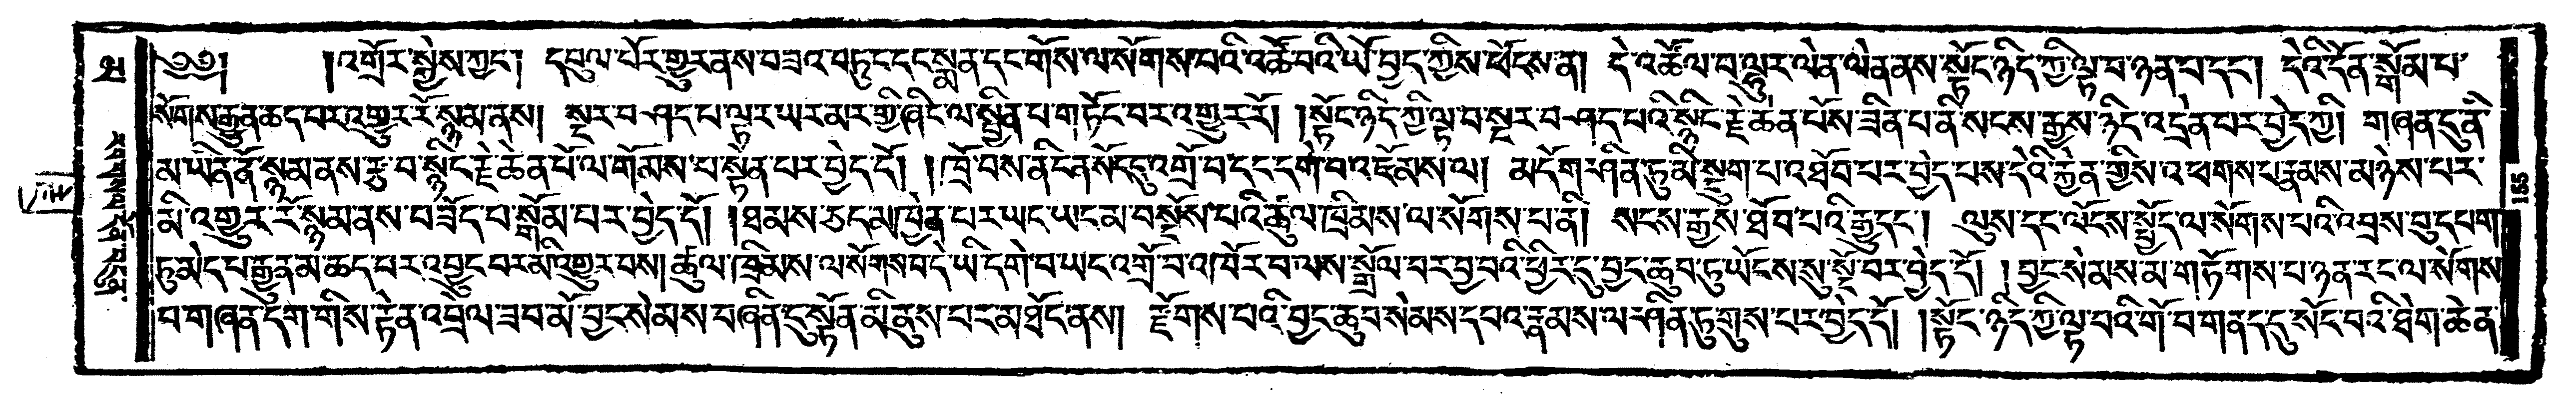༄༅། །འགྲོར་སྐྱེས་ཀྱང་། དབུལ་པོར་གྱུར་ནས་བཟའ་བཏུང་དང་སྨན་དང་གོས་ལ་སོགས་པའི་འཚོ་བའི་ཡོ་བྱད་ཀྱིས་ཕོངས་ན། དེ་འཚོལ་བ་ལྷུར་ལེན་ནས་སྟོང་ཉིད་ཀྱི་ལྟ་བ་ཉན་པ་དང་། དེའི་དོན་སྒོམ་པ་
སོགས་རྒྱུན་ཆད་པར་འགྱུར་རོ་སྙམ་ནས། སྔར་བཤད་པ་ལྟར་ཡར་མར་གྱི་ཞིང་ལ་སྦྱིན་པ་གཏོང་བར་འགྱུར་རོ། །སྟོང་ཉིད་ཀྱི་ལྟ་བ་སྔར་བཤད་པའི་སྙིང་རྗེ་ཆེན་པོས་ཟིན་པ་ནི་སངས་རྒྱས་ཉིད་འདྲེན་པར་བྱེད་ཀྱི། གཞན་དུ་ནི་
མ་ཡིན་ནོ་སྙམ་ནས་རྩ་བ་སྙིང་རྗེ་ཆེན་པོ་ལ་གོམས་པ་བསྟེན་པར་བྱེད་དོ། །ཁོ་བས་ནི་ངན་སོང་དུ་འགྲོ་བ་དང་དགེ་བ་འཇོམས་ལ། མདོག་ཤིན་ཏུ་མི་སྡུག་པ་འཐོབ་པར་བྱེད་པས་དེའི་རྐྱེན་གྱིས་འཕགས་པ་རྣམས་མཉེས་པར་
མི་འགྱུར་རོ་སྙམ་ནས་བཟོད་པ་སྒོམ་པར་བྱེད་དོ། །ཐམས་ཅད་མཁྱེན་པར་ཡང་ཡང་མ་བསྔོས་པའི་ཚུལ་ཁྲིམས་ལ་སོགས་པ་ནི། སངས་རྒྱས་ཐོབ་པའི་རྒྱུ་དང་། ལུས་དང་ལོངས་སྤྱོད་ལ་སོགས་པའི་འབྲས་བུ་དཔག་
ཏུ་མེད་པ་རྒྱུན་མ་ཆད་པར་འབྱུང་བར་མི་འགྱུར་བས། ཚུལ་ཁྲིམས་ལ་སོགས་པ་དེ་ཡི་དགེ་བ་ཡང་འགྲོ་བ་འཁོར་བ་ལས་སྒྲོལ་བར་བྱ་བའི་ཕྱིར་དུ་བྱང་ཆུབ་ཏུ་ཡོངས་སུ་སྔོ་བར་བྱེད་དོ། །བྱང་སེམས་མ་གཏོགས་པ་ཉན་རང་ལ་སོགས་
པ་གཞན་དག་གིས་རྟེན་འབྲེལ་ཟབ་མོ་བྱང་སེམས་བཞིན་དུ་སྟོན་མི་ནུས་པར་མཐོང་ནས། རྫོགས་པའི་བྱང་ཆུབ་སེམས་དཔའ་རྣམས་ལ་ཤིན་ཏུ་གུས་པར་བྱེད་དོ། །སྟོང་ཉིད་ཀྱི་ལྟ་བའི་གོ་བ་གནད་དུ་སོང་བའི་ཐེག་ཆེན་